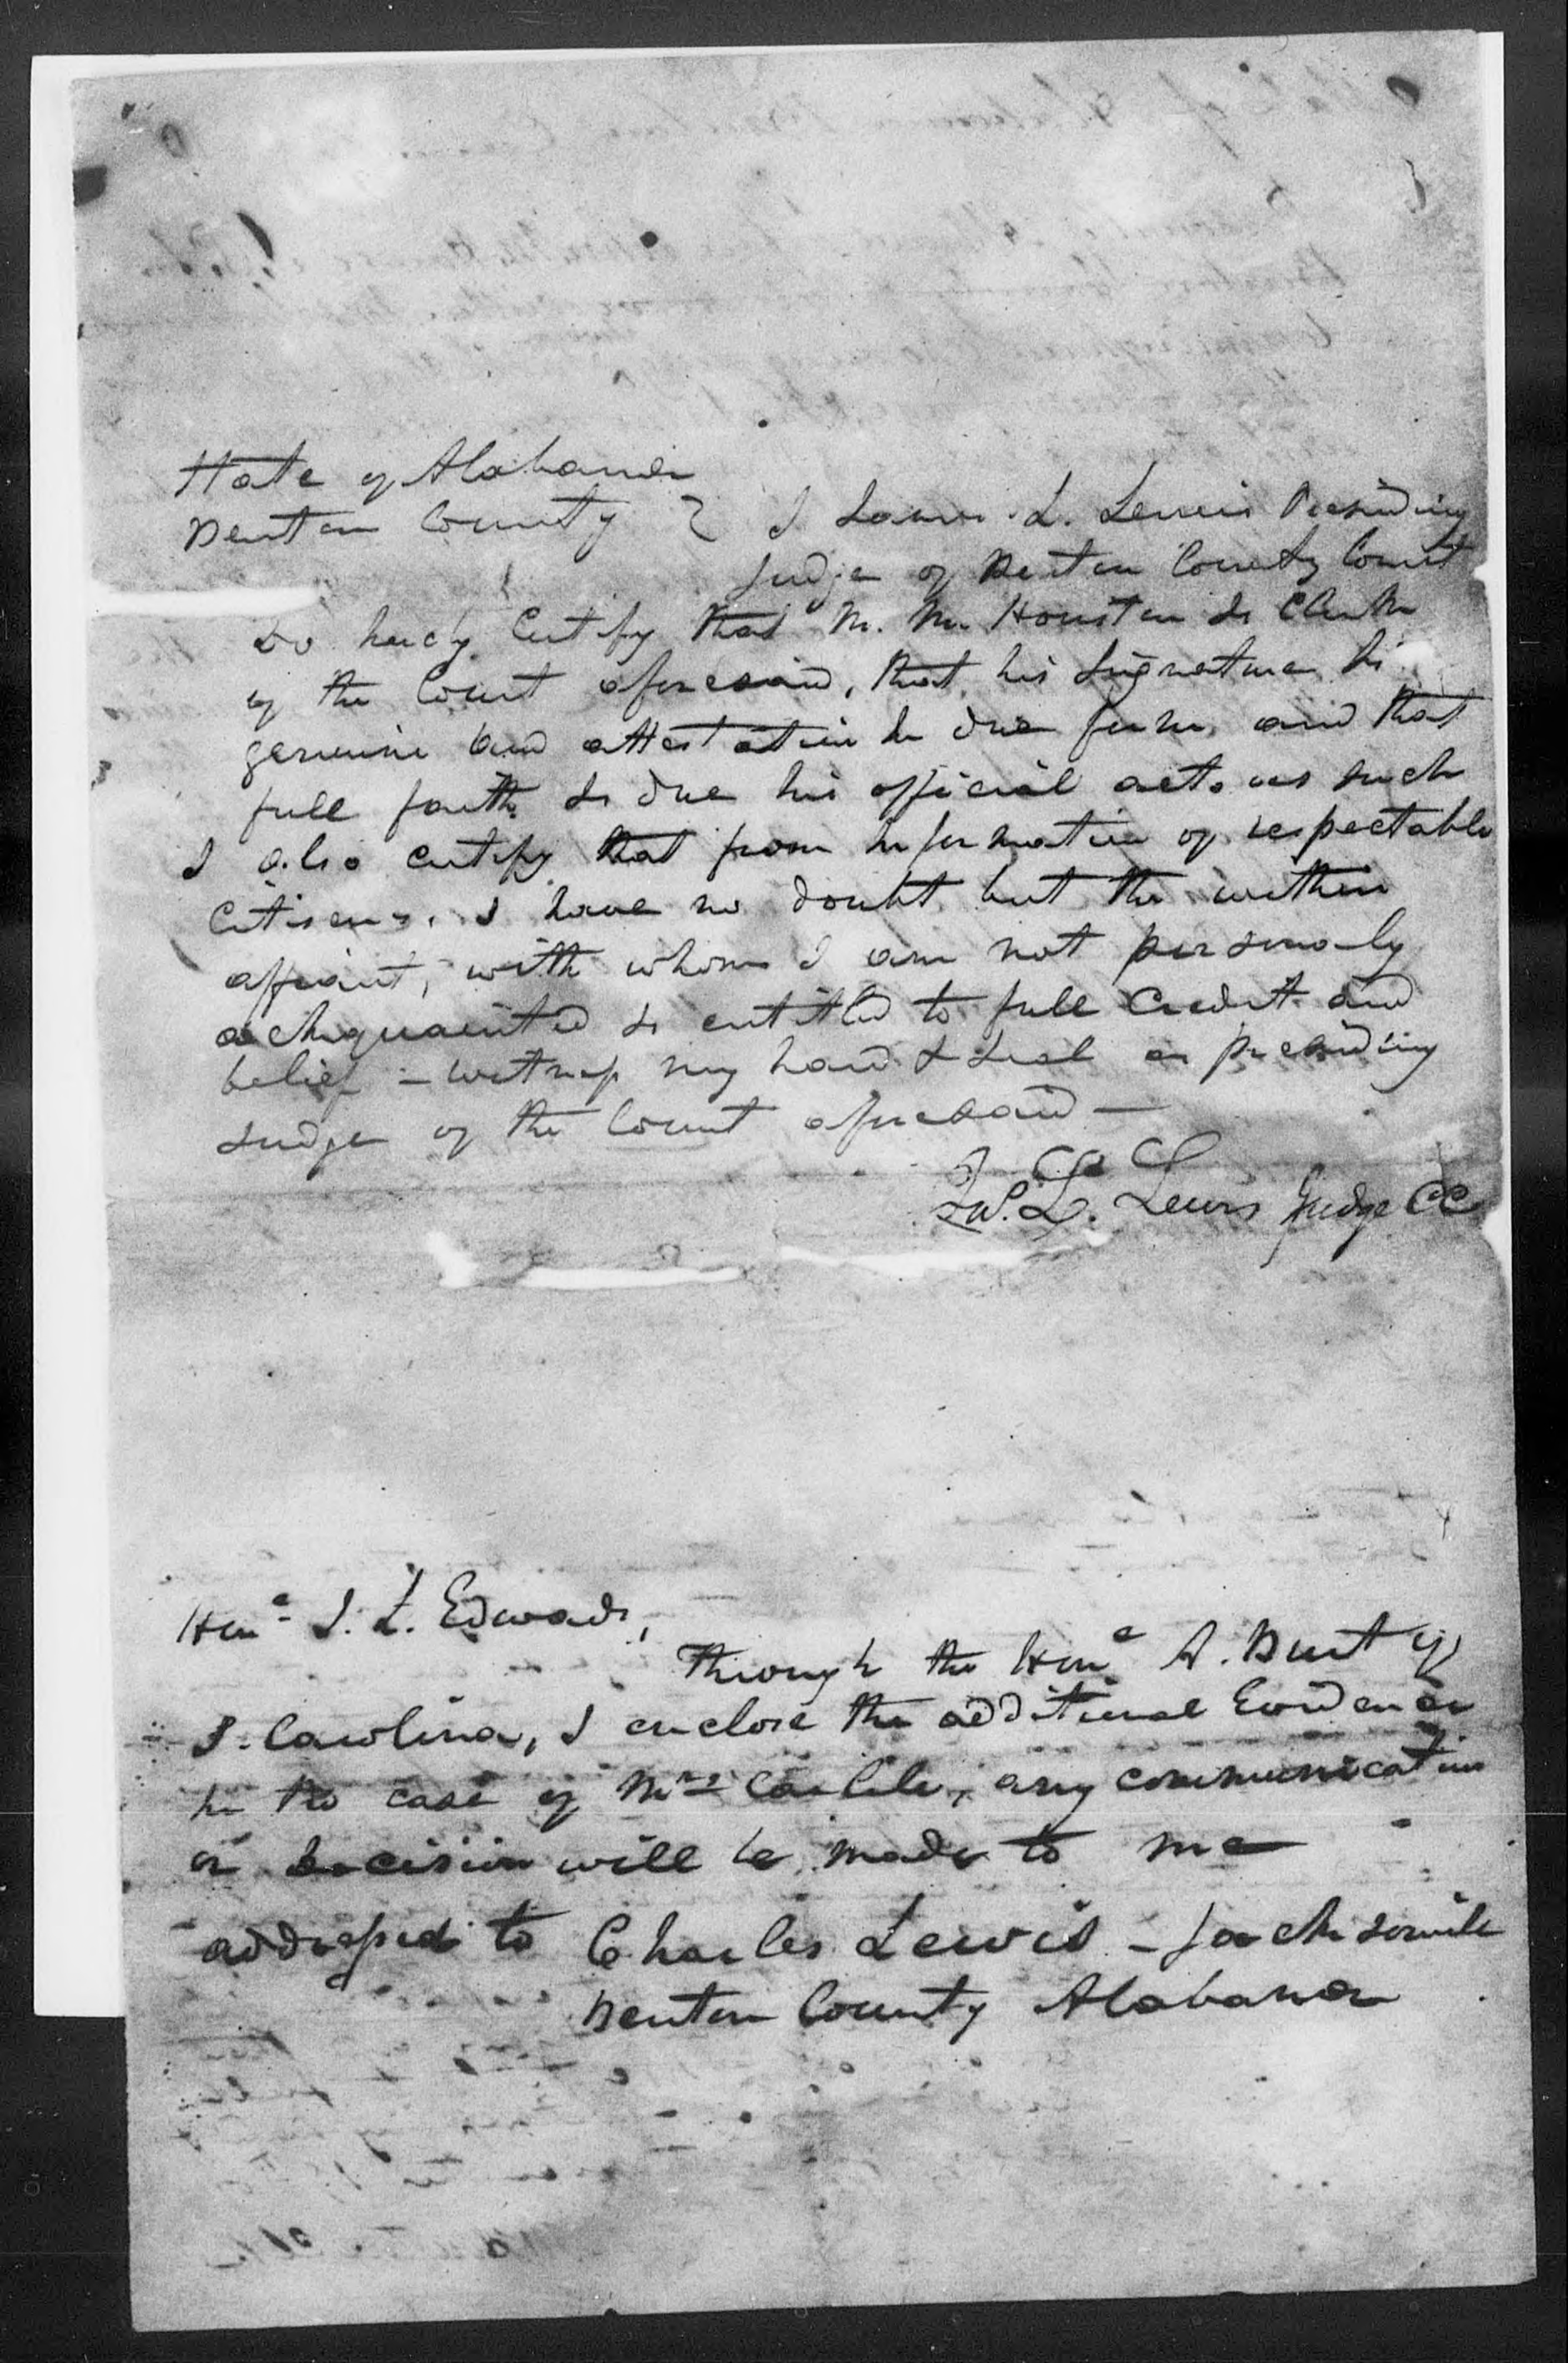State of Alabama
Benton County
I John L. Lewis Presiding Judge of Benton County Court hereby certify that M. M. Houston Clerk
of the Court aforesaid, that his signature is genuine and attestation is in due form and that full faith Is due his official acts as such

I also certify that from the information of respectable citizens, I have no doubt, but the within
affiant, with whom I am not personally acquainted is entitled to full credit and belief-- witness my hand & seal as presiding Judge of the County aforesaid
J. L. Lewis Judge CC

Hon J.L. Edwards
Through the Hon A. Burt of S. Carolina, I enclose the additional Evidence in the case of Mrs. Carlisle any communication or decision will be made to me
addressed to Charles Lewis, Jacksonville Benton County Alabama
-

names: Carlile, Charles Lewis, Jas L Lewis, J L Edwards, M M Houston, James L Lewis, A Burt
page: 48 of 91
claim: widow's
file: W. 10576, Francis Carlisle, S.C.